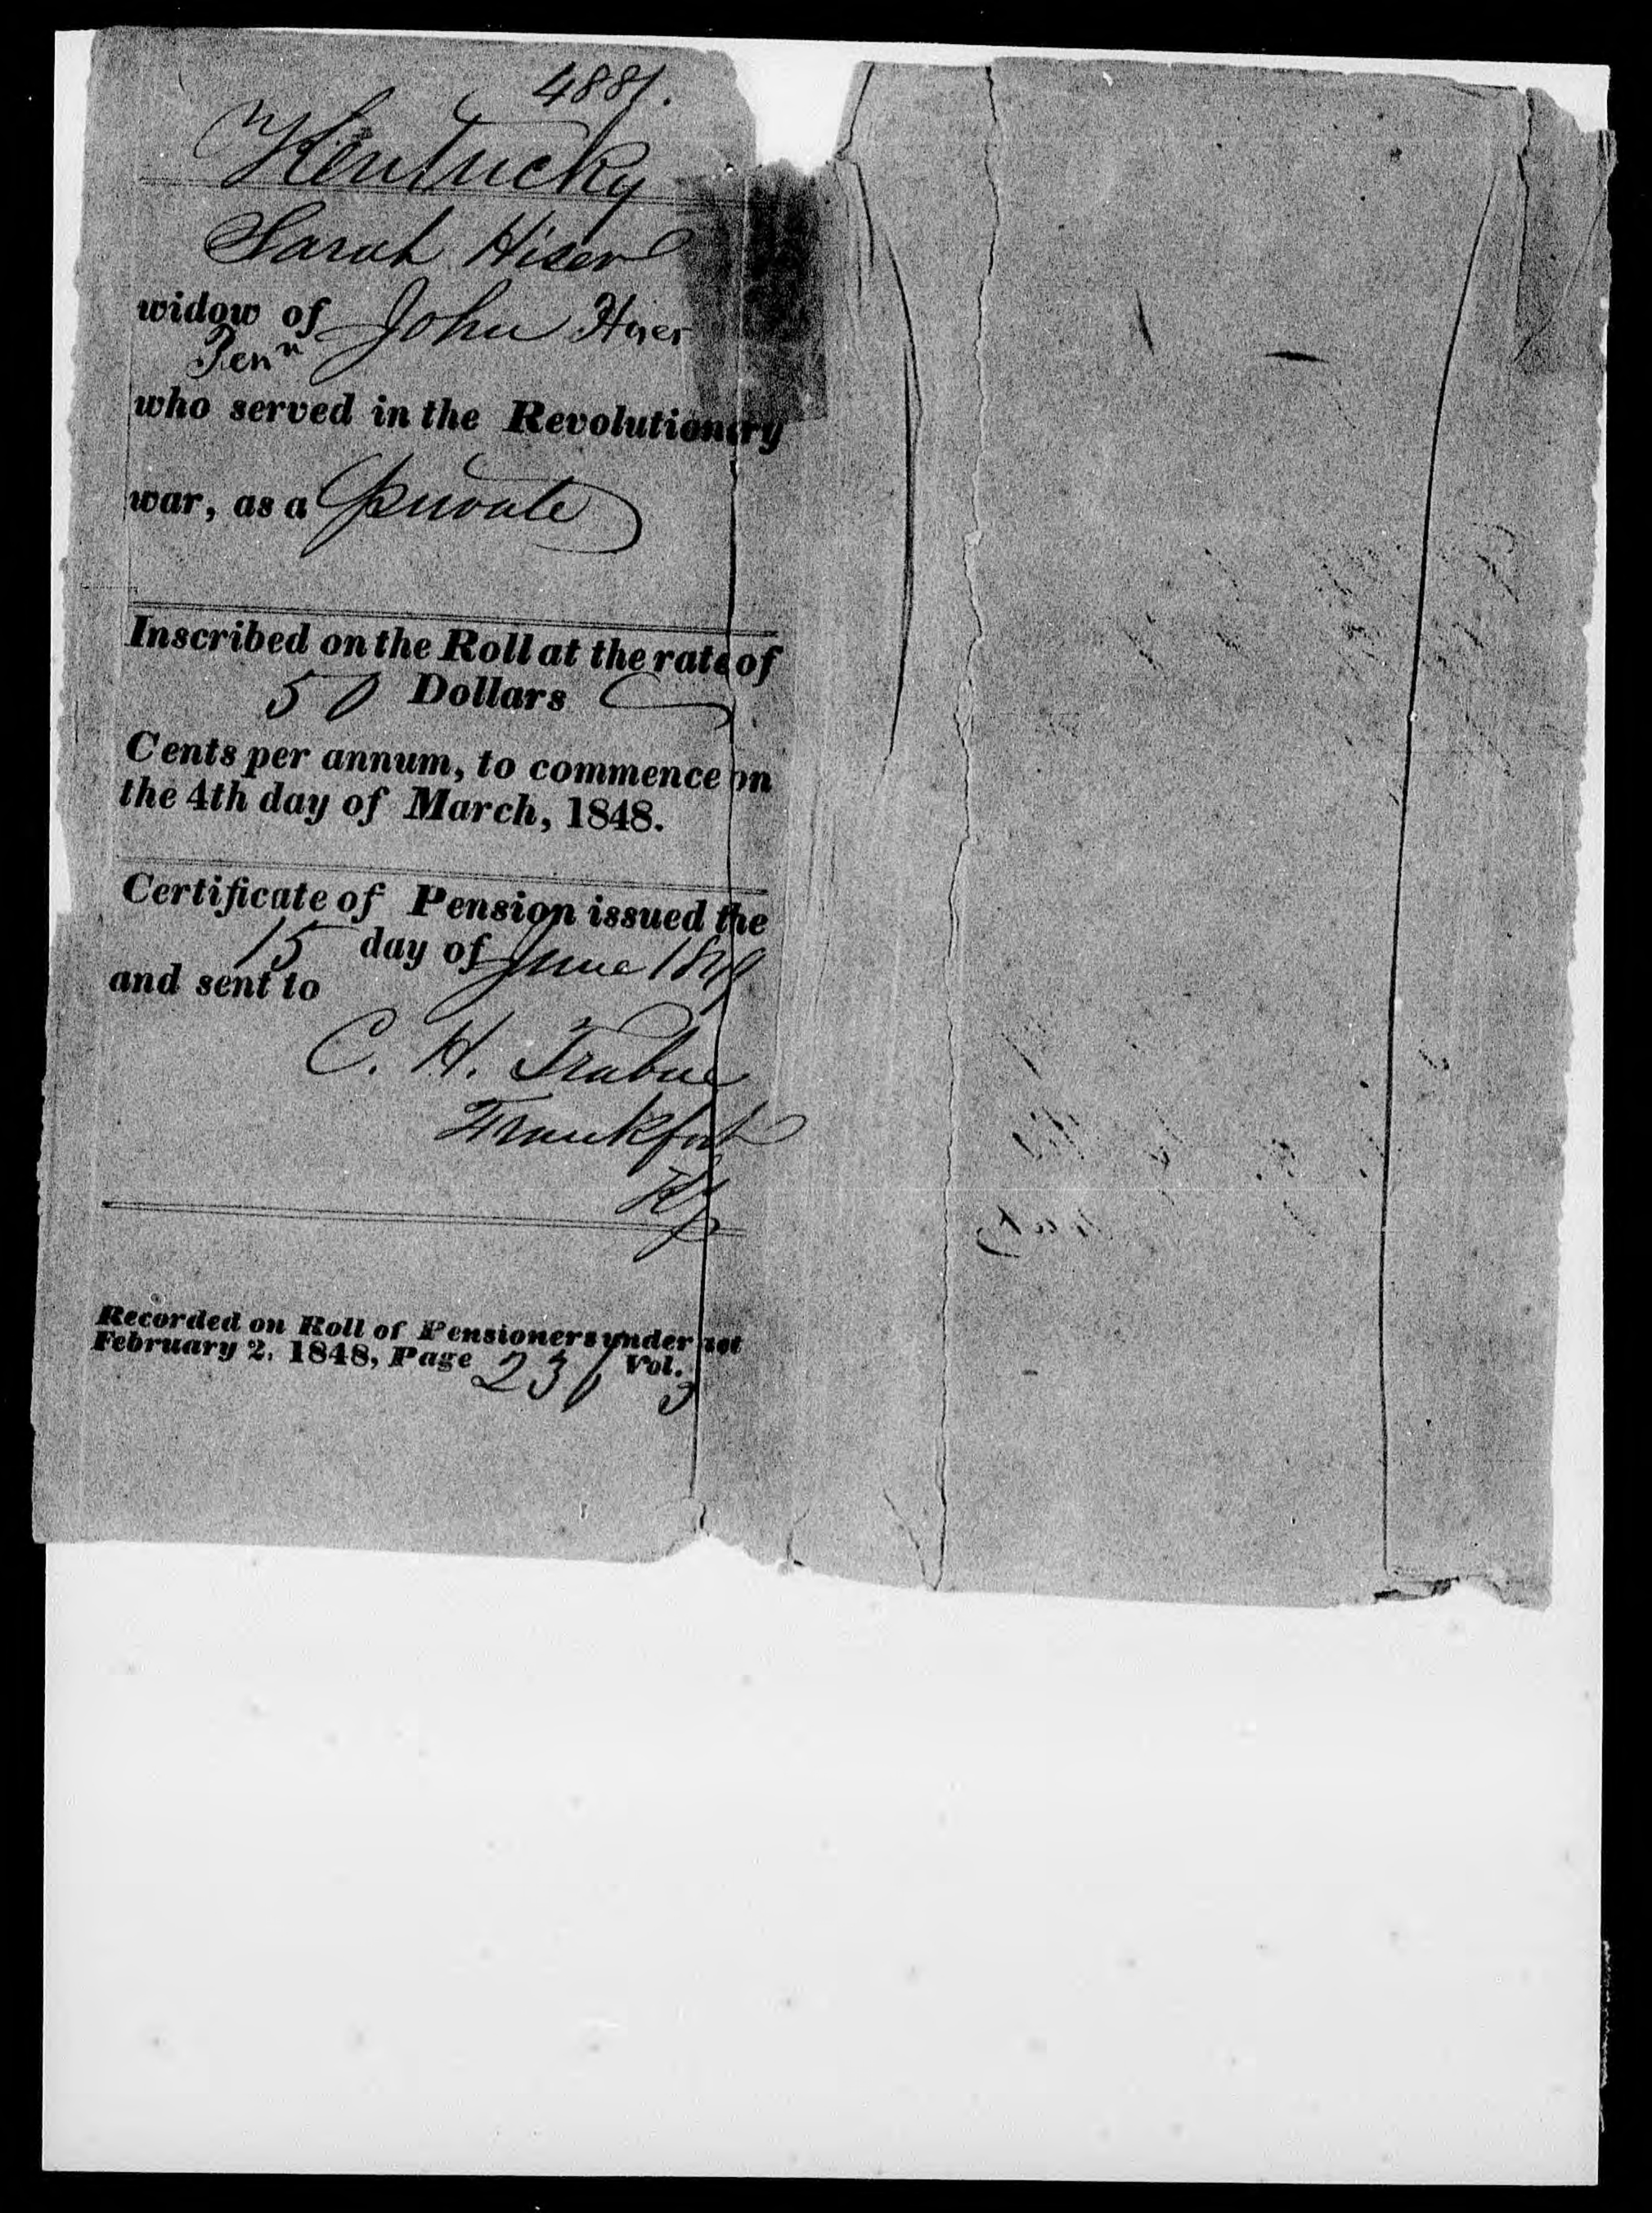4881.

Kentucky
========================
Sarah Hiser
widow of John Hiser
Penn.
who served in the Revolutionary
war, as a private
===========================
Inscribed on the Roll at the rate of
50 Dollars ----
Cents per annum, to commence on 
the 4th day of March, 1848.
===========================
Certificate of Pension issued the 
15 day of June 1849
and sent to 
C. H. Trabue
Frankfort
Ky
==========================
Recorded on Roll of Pensioners under 
February 2, 1848, Page 236 Vol. 2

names: C H Trabue, John Hiser, Sarah Hiser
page: 3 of 58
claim: widow's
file: W. 8932, John Hiser, Penn.